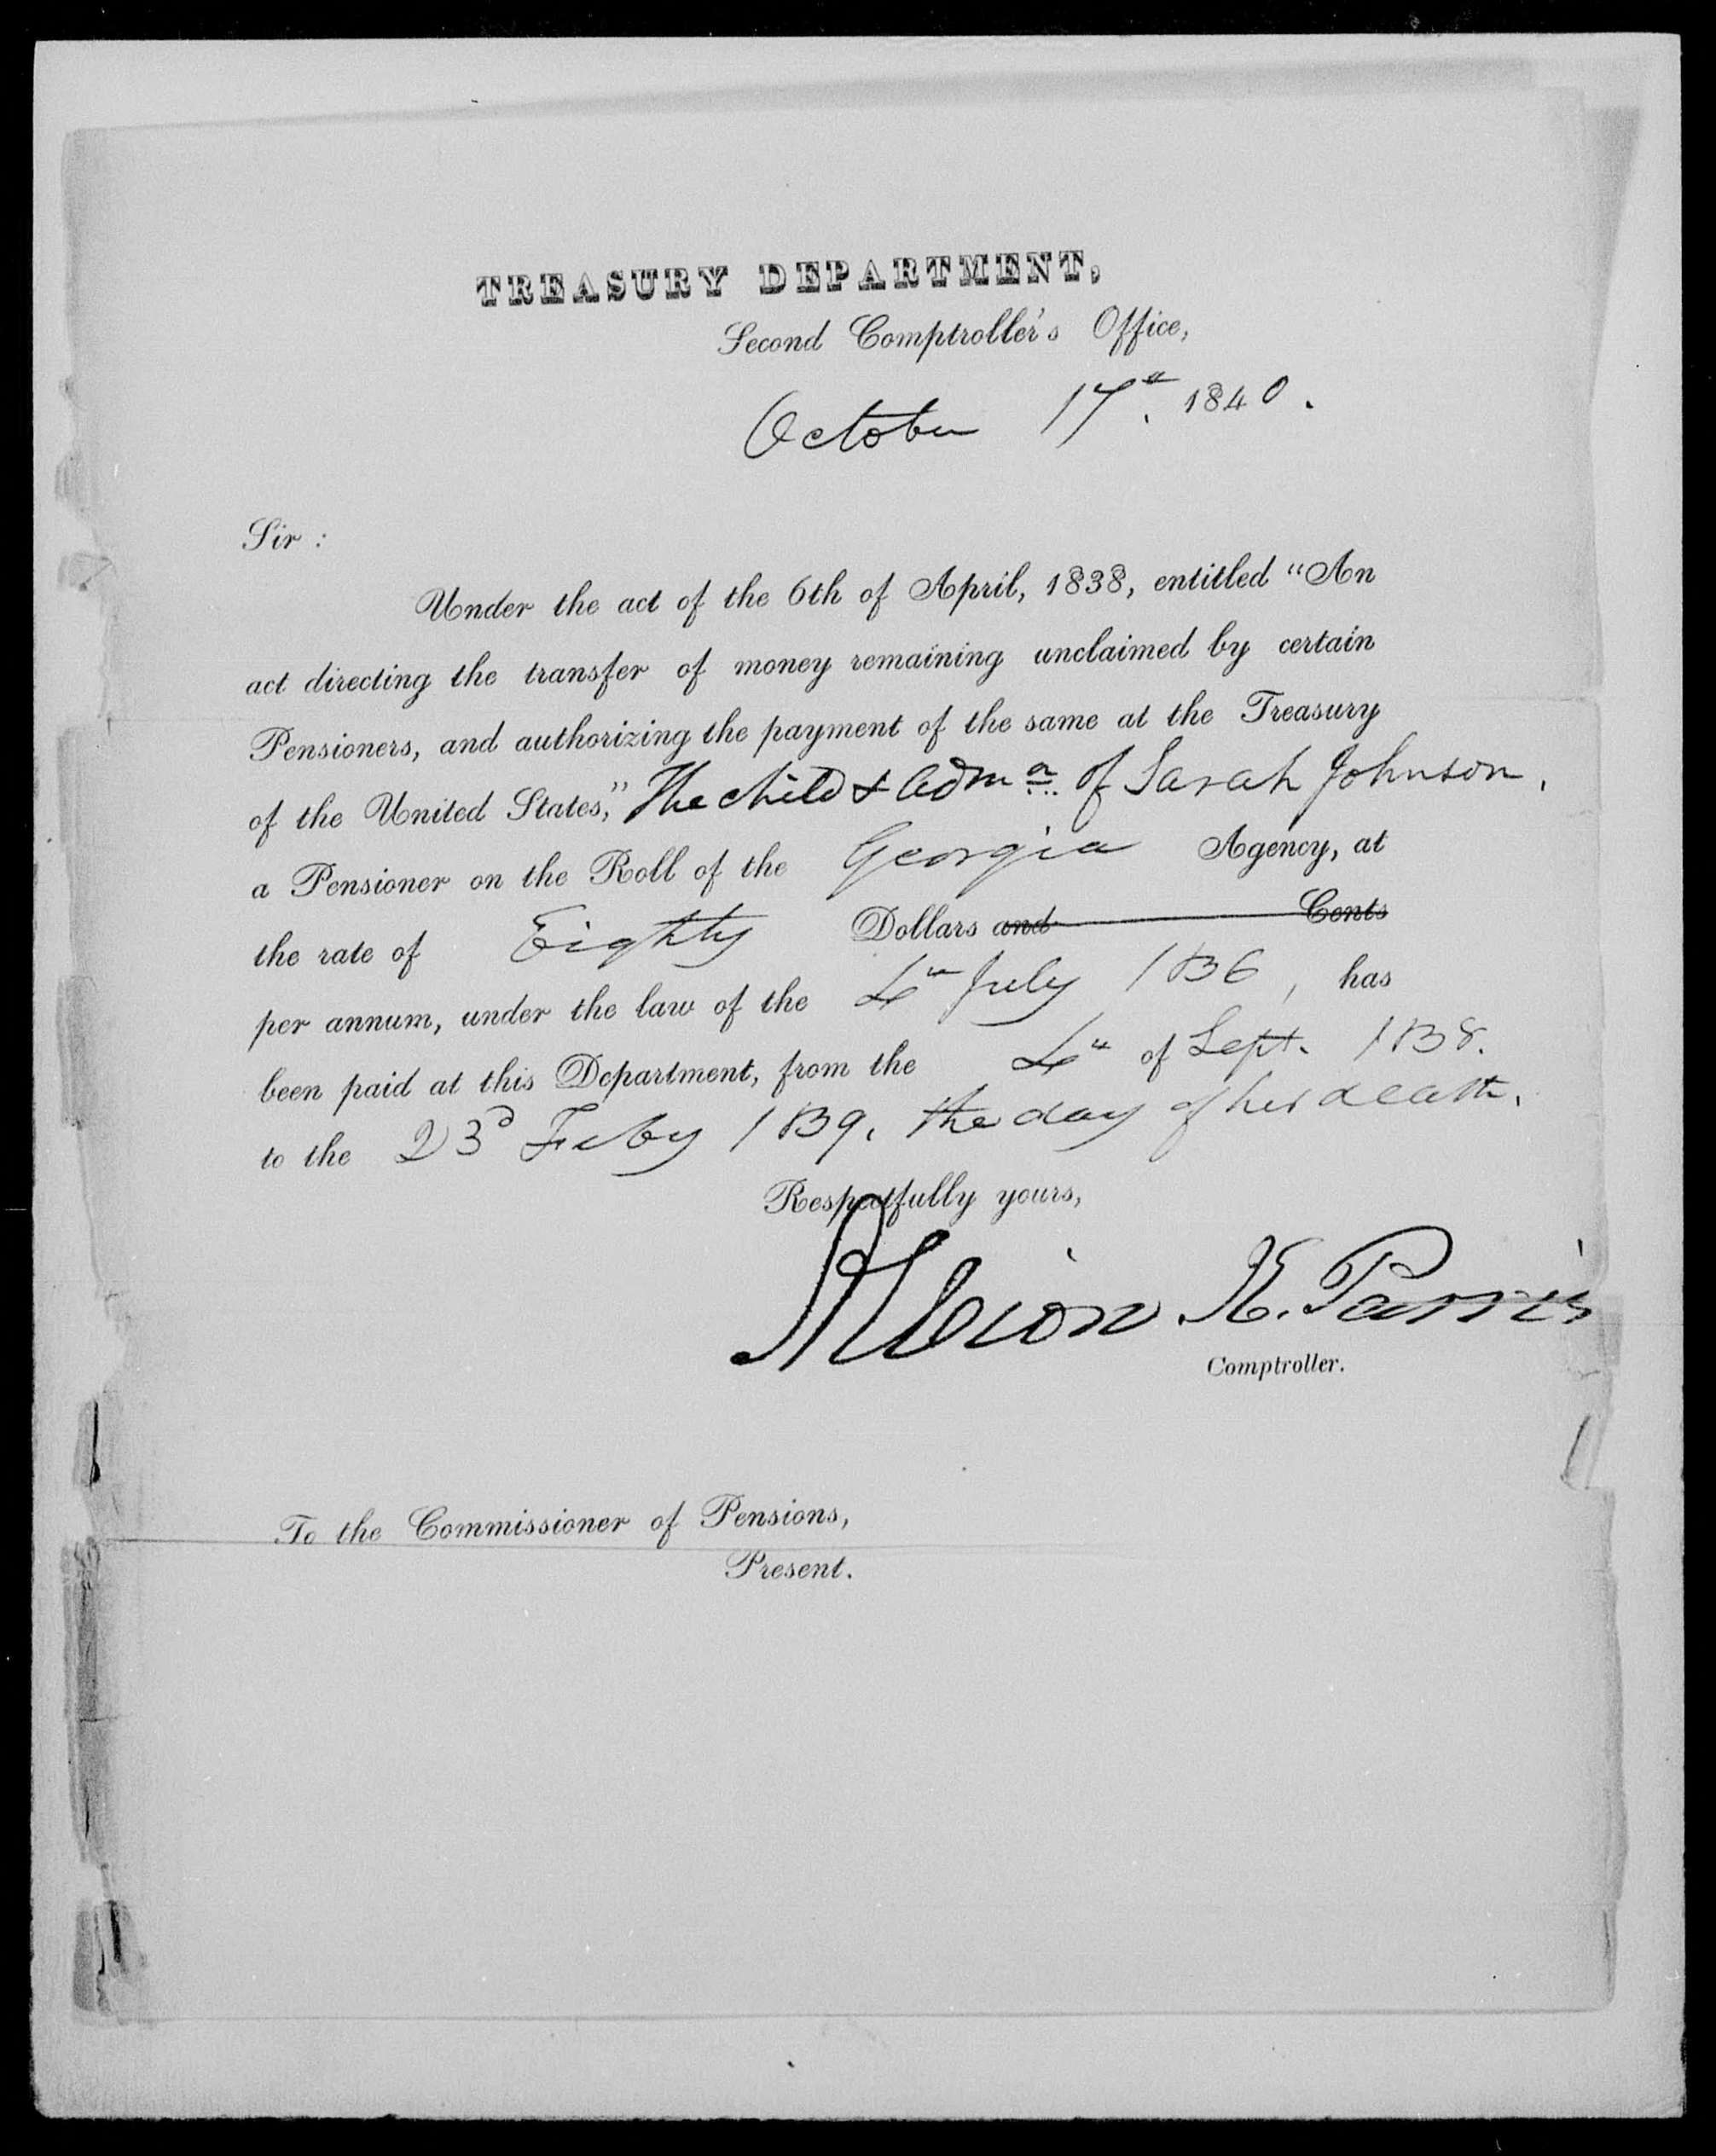TREASURY DEPARTMENT
Second Comptroller's Office,
October
14th 1840
Sir:
Under the act of the 6th of April, 1838, entitled "An
act directing the transfer of money remaining unclaimed by certain
Pensioners, and authorizing the payment of the same at the Treasury
of the United States." The child & Admr of Sarah Johnson
a Pensioner on the Roll of the Georgia Agency, at
the rate of Eighty Dollars Cents
per annum, under the law of the 4th July 1836, has been paid at this Department, from the
4 of Sept. 1838.
to the 23d Feby 1839, the day of her death,
Respectfully yours,
1861
Albion K. Parris
Comptroller.
To the Commissioner of Pensions,
Present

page: 6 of 26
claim: widow's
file: W. 4464, for John H Johnson, Georgia